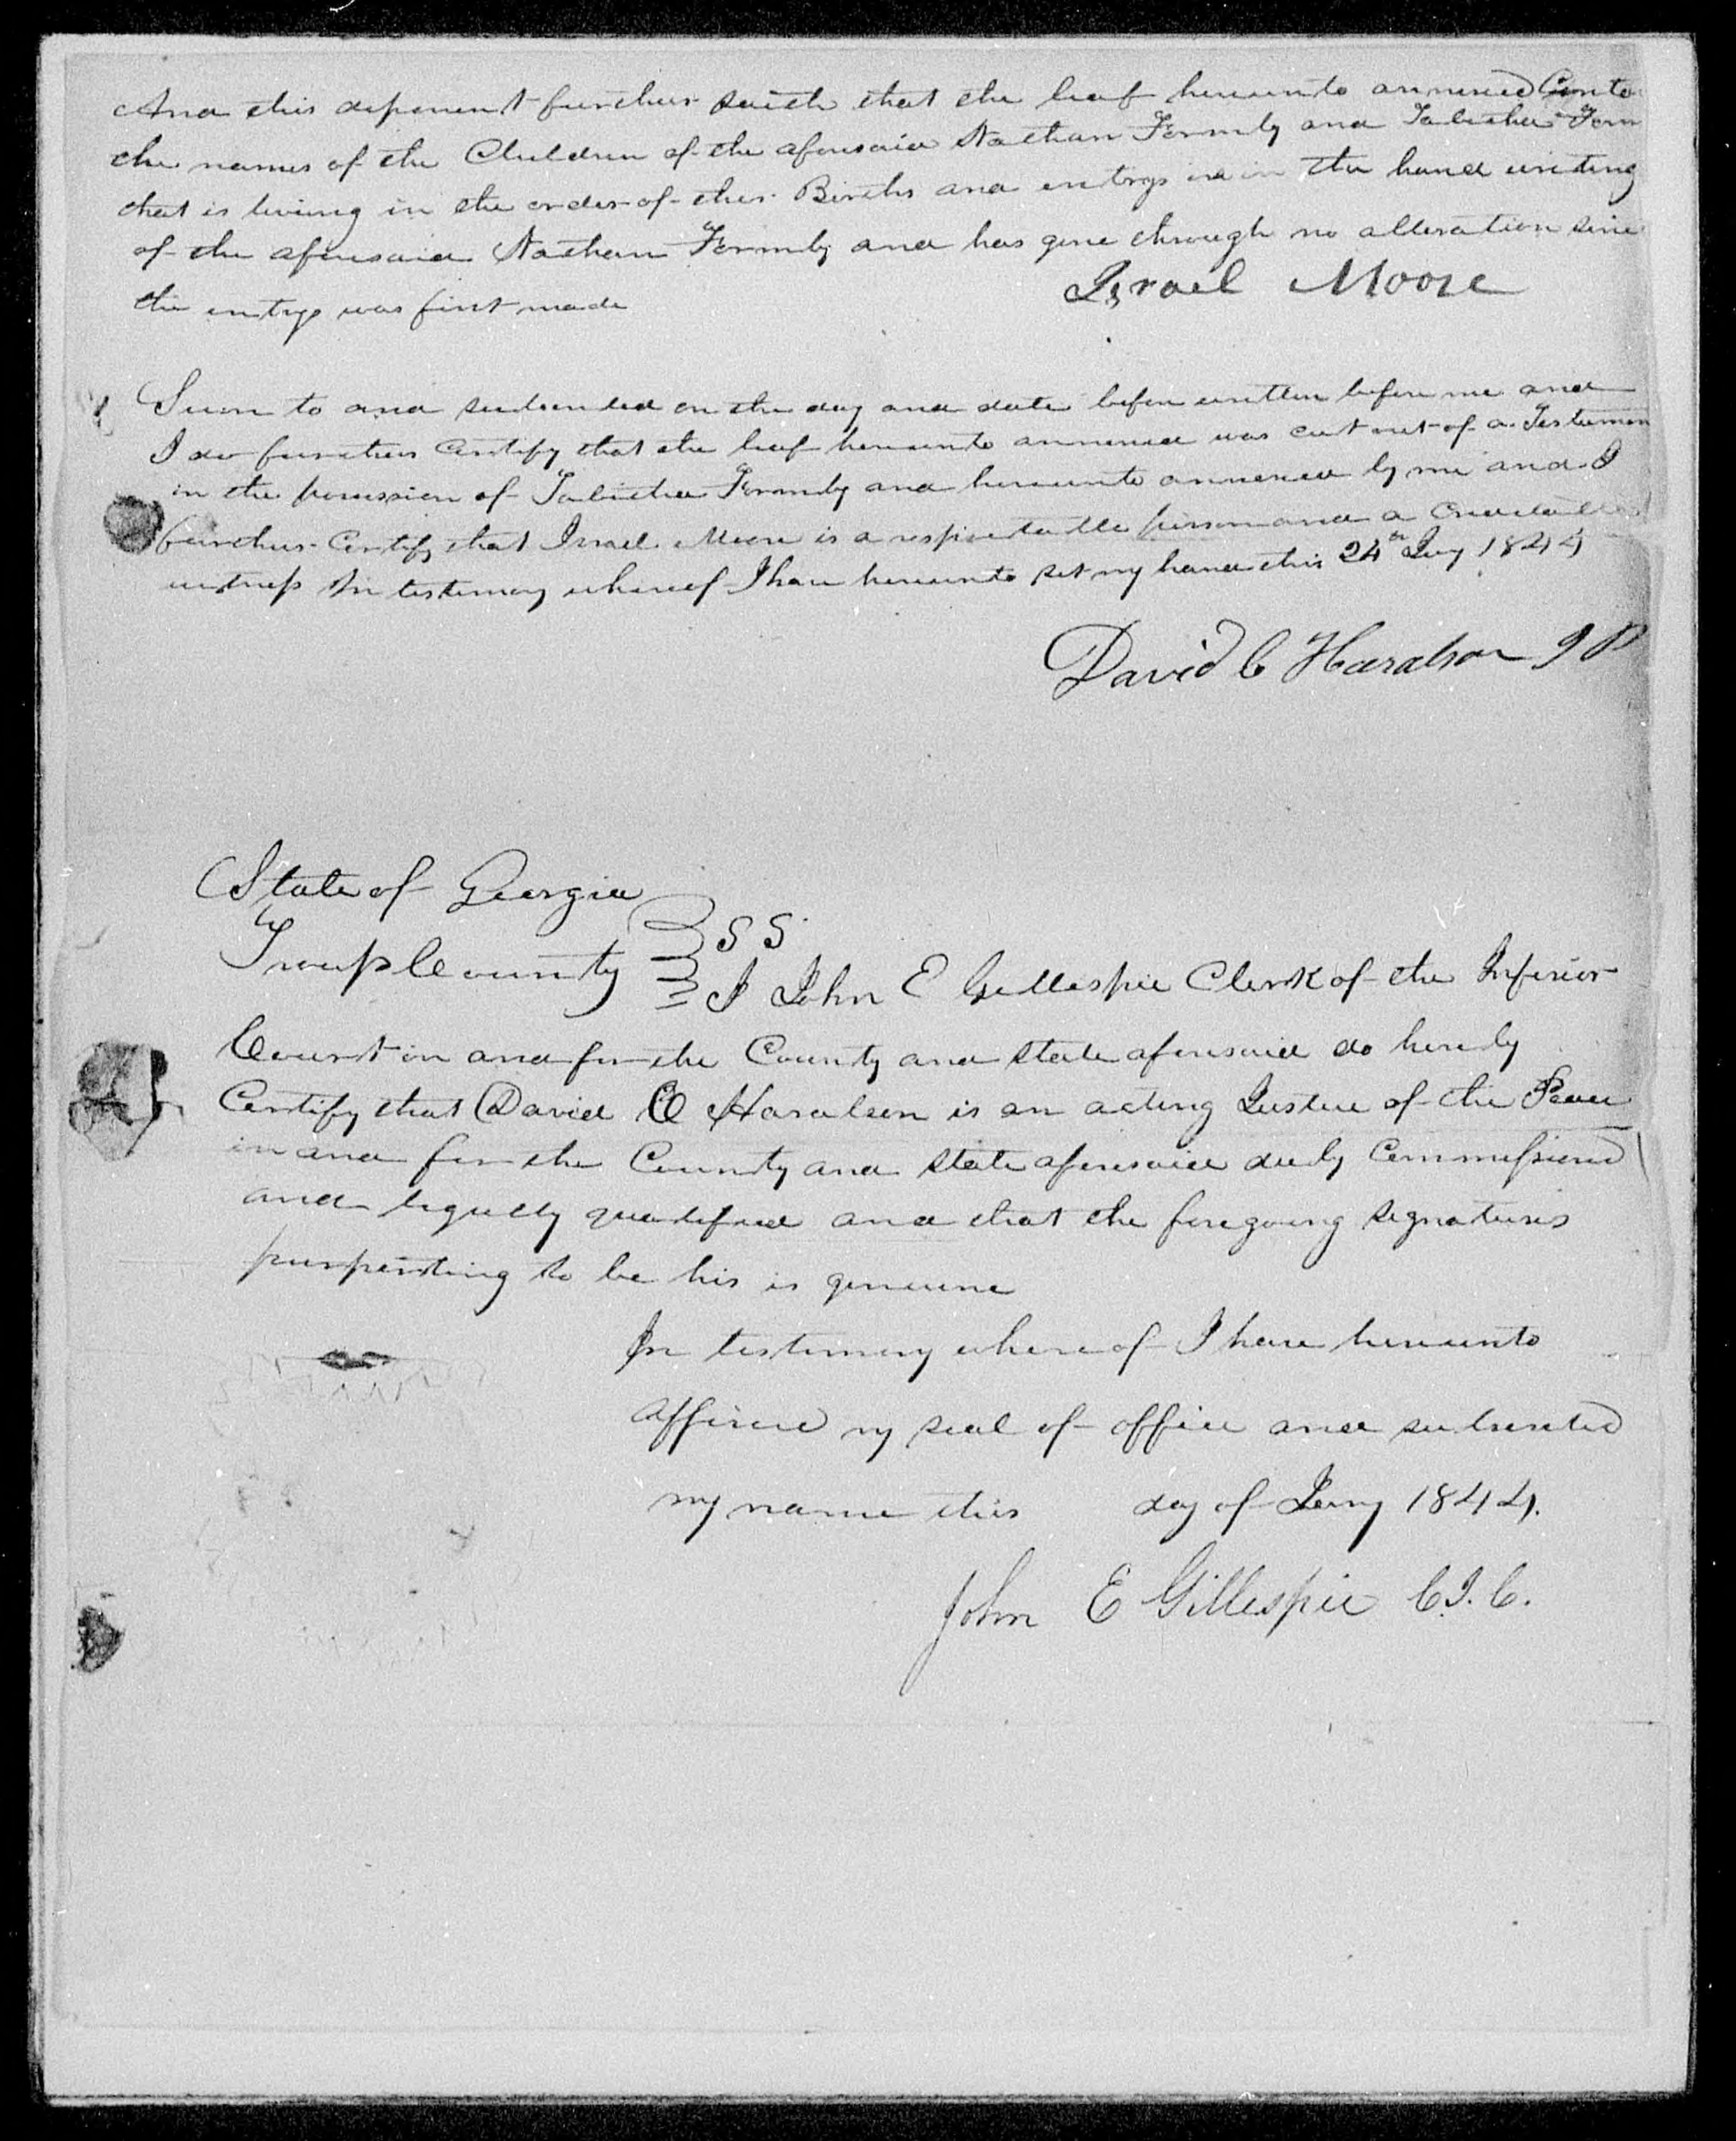And this deponent further saith that the leaf hereunto annexed unto the names of the Children of the aforesaid Nathan Formby and Tabitha Form[by] that is living in the order of their Births and entrys in in the hand writing of the aforesaid Nathan Formby and has give through no alteration since the entry was first made
Israel Moore

Sworn to and subscribed on the day and date before written before me and I do further certify that the leaf hereunto annexed was cut out of a Testamon in the possession of Tabitha Formby and hereunto annexed by me and I further certify that Israel Moore is a respectable person and a creditable witness in testimony whereof I have hereunto set my hand this 24th Jany 1844
David C Haralson J P

State of Georgia }
Troup County }
I John Gillespie Clerk of the Inferior Court in and for the County and State aforesaid do hereby Certify that David C Haralson is an acting Justice of the Peace in and for the County and State aforesaid duly commissioned and legally qualified and that the foregoing signatures purporting to be his is genuine

In testimony whereof I have hereunto affixed my seal of office and submited my name this [left blank] day of Jany 1844.
John E Gillespie C.J.C.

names: Israel Moore, Tabitha Formby, David C Haralson, John E Gillespie, Tabitha Form, Israel Moore, Nathan Formby, Nathan Formby, John E Gillespie, David C Haralson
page: 16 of 54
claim: widow's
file: W. 3794, Nathan Formby, Va.